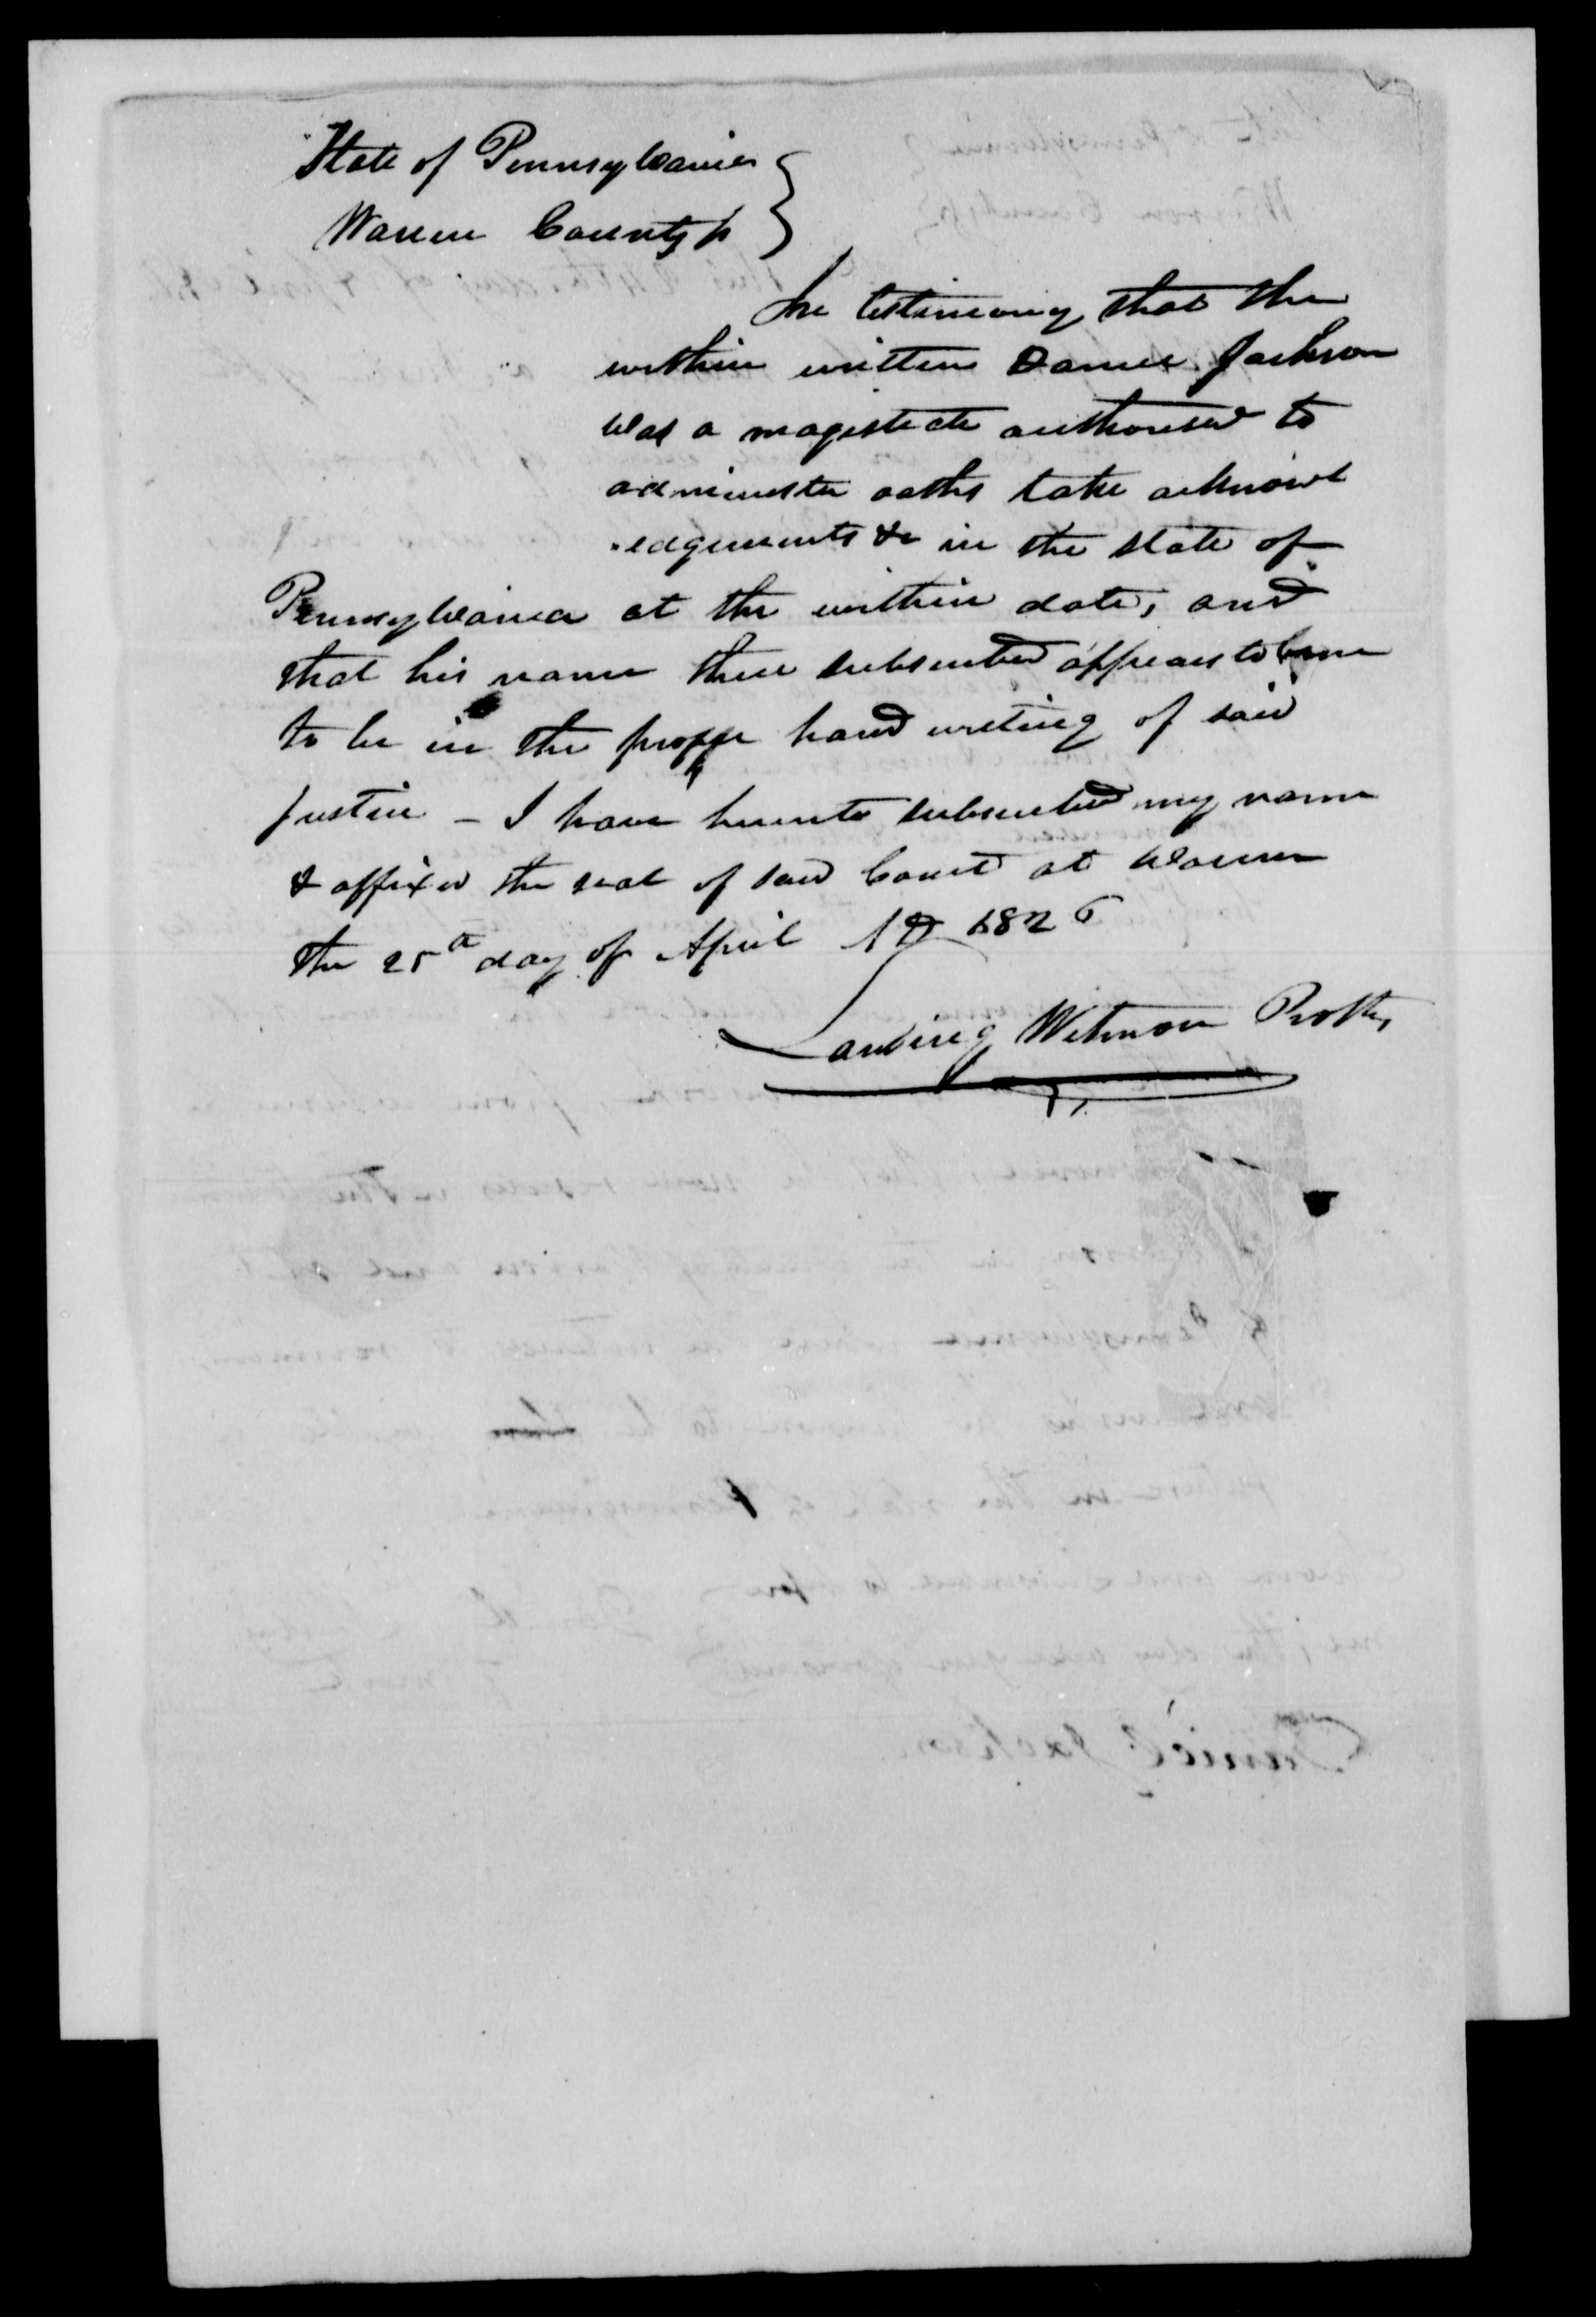State of Pennsylvania  )
Warren County  fs.      )

In testimony that the within written Daniel Jackson was a magistrate authorised to administer oaths take acknowledgements &c in the State of Pennsylvania at the within date, and that his name there subsribed appears to him to be in the proper hand writing of said Justice--I have hereunto subscribed my name & affixed the seal of said Court at Warren the 25th day of April AD 1826
Lansing Witmore  Proth'y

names: Lansing Witmore; Daniel Jackson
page: 17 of 20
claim: survivor's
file: S. 40412, for Daniel Shirley, New Hampshire